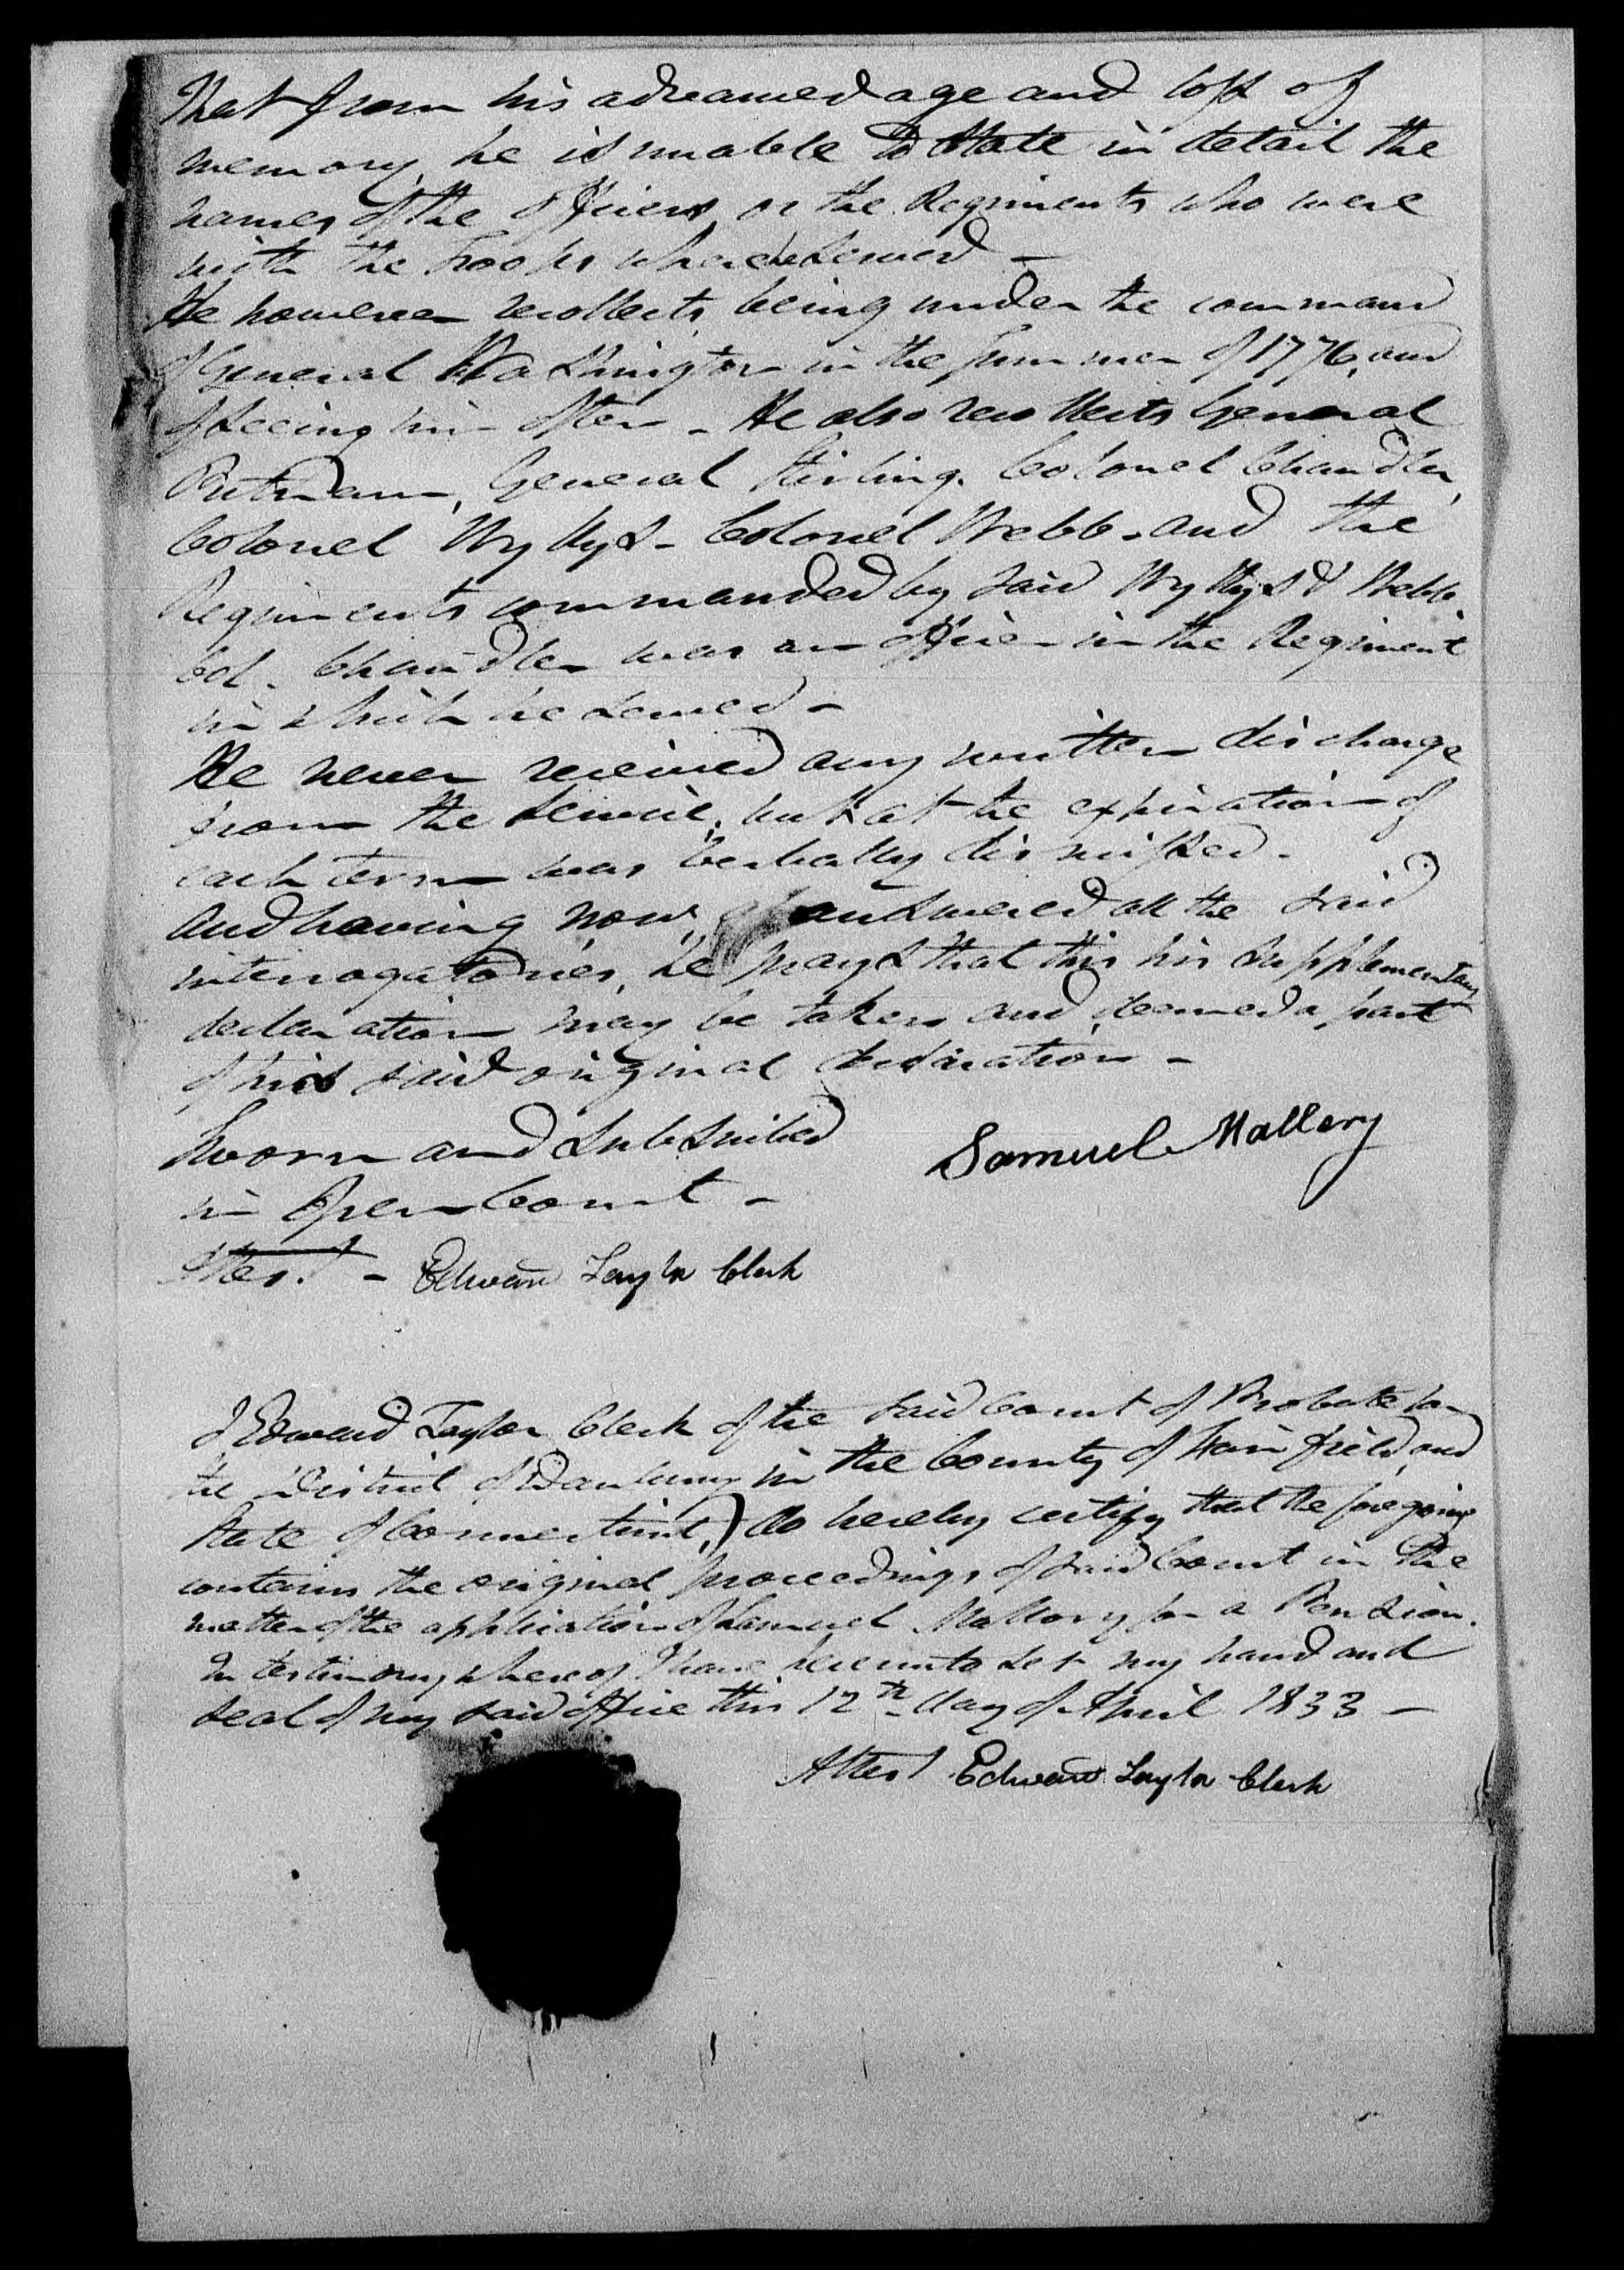That from his advanced age and loss of
memory he is unable to state in detail the
names of the officers or the Regiment who were with the troops where he served
He however recollects being under the command of General Washington in the summer of 1776 and of seeing him after. He also recollects General Putnam, General Stirling, Colonel Chandler, Colonel Wyllys Colonel Webb and the
Regiment commanded by said Wylles & Webb
Col. Chandler was an officer in the Regiment
in which he served
He never received any written discharge
from the service but at the expiration of
each term was verbally dismissed
and having now [illegible] all the said
interrogatories, he prays that this his supplement
declaration may be taken and deemed a part
of his said original declaration

Sworn and subscribed
in open Court
Samuel Mallery
Edward Taylor Clerk

I Edward Taylor Clerk of the said Court of Probate for the District of Danbury in the County of Fairfield and
State of Connecticut, do hereby certify that the foregoing contains the original proceedings of said Court in the matter of the application of Samuel Mallory for a Pension

In testimony whereof I have hereunto set my hand and seal of my said office this 12th day of April 1833-
Attest Edward Taylor Clerk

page: 29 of 29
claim: survivor's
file: S. 23,312, for Samuel Mallery, Connecticut